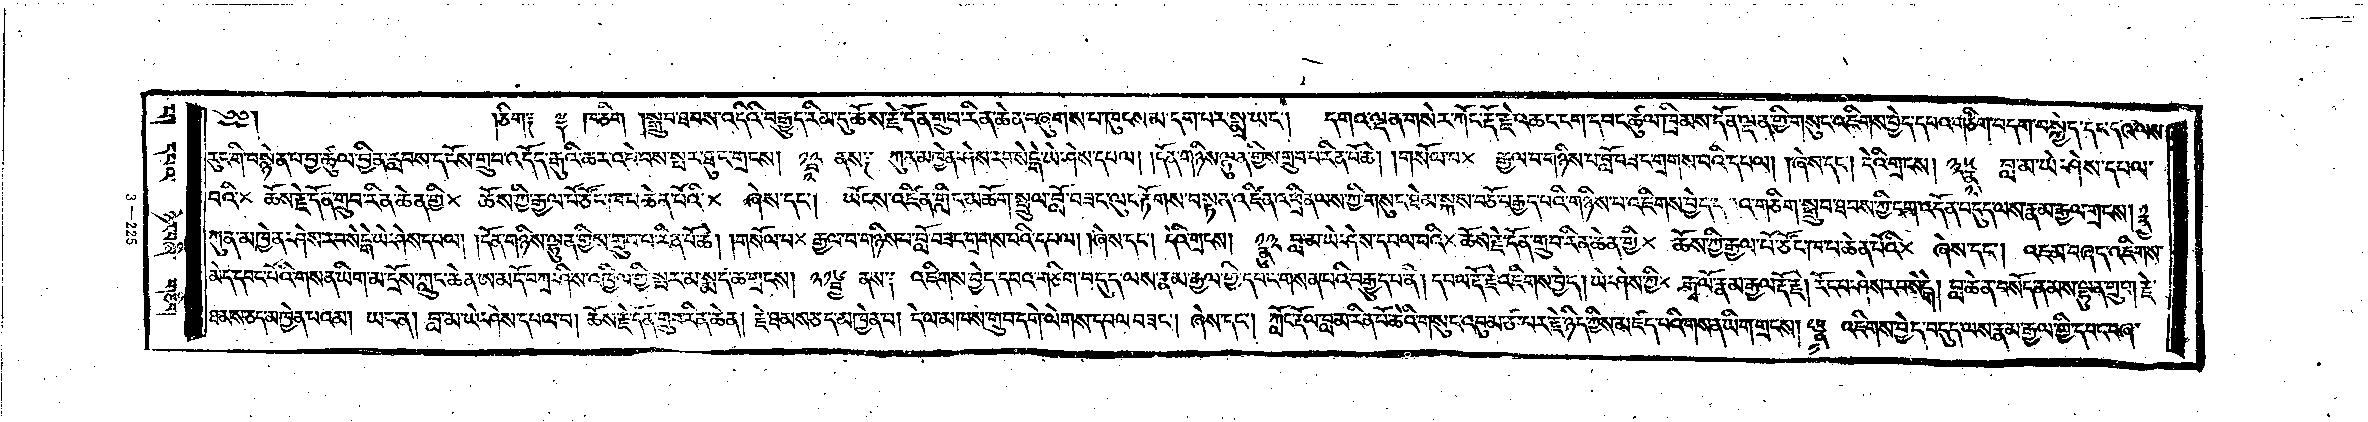༄༅། །ཅིག༑ ༑ཁ་ཅིག །སྒྲུབ་ཐབས་འདིའི་བརྒྱུད་རིམ་དུ་ཆོས་རྗེ་དོན་གྲུབ་རིན་ཆེན་བཞུགས་པ་ཁུངས་མ་དག་པར་སྨྲ་ཡང་། དགའ་ལྡན་གསེར་ཀོང་རྡོ་རྗེ་འཆང་ངག་དབང་ཚུལ་ཁྲིམས་དོན་ལྡན་གྱི་གསུང་འཇིགས་བྱེད་དཔའ་གཅིག་བདག་བསྐྱེད་དང་དལ་ལས་
རུང་གི་བསྙེན་བ་བྱ་ཚུལ་བྱིན་རླབས་དངོས་གྲུབ་འདོད་རྒུའི་ཆར་འབེབས་སྤར་ཐུང་གྲངས། ༡༢བ༢་ནས༑ ཀུན་མཁྱེན་ཤེས་རབ་སེངྒེ་ཡེ་ཤེས་དཔལ། །དོན་གཉིས་ལྷུན་གྱིས་གྲུབ་པ་རིན་པོ་ཆེ། །གསོལ་བ་྾་རྒྱལ་བ་གཉིས་པ་བློ་བཟང་གྲགས་པའི་དཔལ། །ཞེས་དང་། དེའི་གྲངས། ༣༥ན༢་བླ་མ་ཡེ་ཤེས་དཔལ་
བའི་྾་ཆོས་རྗེ་དོན་གྲུབ་རིན་ཆེན་གྱི་྾་ཆོས་ཀྱི་རྒྱལ་པོ་ཙོང་ཁ་པ་ཆེན་པོའི་྾་ཞེས་དང་། ཡོངས་འཛིན་གླིང་མཆོག་སྤྲུལ་བློ་བཟང་ལུང་རྟོགས་བསྟན་འཛིན་འཕྲིན་ལས་ཀྱི་གསུང་ཐེམ་སྐས་བཅོ་བརྒྱད་པའི་གཉིས་པ་འཇིགས་བྱེད་ད་འ་གཅིག་སྒྲུབ་ཐབས་ཀྱི་ངག་འདོན་བདུད་ལས་རྣམ་རྒྱལ་གྲངས། ༡ན༤
ཀུན་མཁྱེན་ཤེས་རབ་སེངྒེ་ཡེ་ཤེས་དཔལ། །དོན་གཉིས་ལྷུན་གྱིས་གྲུབ་པ་རིན་པོ་ཆེ། །གསོལ་བ་྾་རྒྱལ་བ་གཉིས་པ་བློ་བཟང་གྲགས་པའི་དཔལ། །ཞེས་དང་། དེའི་གྲངས། ༡༣ན༦་བླ་མ་ཡེ་ཤེས་དཔལ་བའི་྾་ཆོས་རྗེ་དོན་གྲུབ་རིན་ཆེན་གྱི་྾་ཆོས་ཀྱི་རྒྱལ་པོ་ཙོང་ཁ་པ་ཆེན་པོའི་྾་ཞེས་དང་། འདམ་བཞད་འཇིགས་
མེད་དབང་པོའི་གསན་ཡིག་མ་དྲོས་ཀླུང་ཆེན་ཨ་མདོ་བཀྲ་ཤིས་འཁྱིལ་གྱི་སྤར་མ་སྨད་ཆ་གྲངས། ༢༡༦བ༤་ནས༑ འཇིགས་བྱེད་དཔའ་གཅིག་བདུད་ལས་རྣམ་རྒྱལ་གྱི་དབང་གསན་པའི་བརྒྱུད་པ་ནི། དཔལ་རྡོ་རྗེ་འཇིགས་བྱེད། ཡེ་ཤེས་ཀྱི་྾་རྒྭ་ལོ་རྣམ་རྒྱལ་རྡོ་རྗེ། རོང་བ་ཤེས་རབ་སེངྒེ། བླ་ཆེན་བསོད་ནམས་ལྷུན་གྲུབ། རྗེ་
ཐམས་ཅད་མཁྱེན་པའམ། ཡང་ན། བླ་མ་ཡེ་ཤེས་དཔལ་བ། ཆོས་རྗེ་དོན་གྲུབ་རིན་ཆེན། རྗེ་ཐམས་ཅད་མཁྱེན་བ། དེ་ལ་མཁས་གྲུབ་དགེ་ལེགས་དཔལ་བཟང་། ཞེས་དང་། ཀློང་རྡོལ་བླ་མ་རིན་པོ་ཆེའི་གསུང་འབུམ་ཙ་བར་རྗེ་ཉིད་ཀྱིས་མཛད་པའི་གསན་ཡིག་གྲངས། ༡༥ན༡་འཇིགས་བྱེད་བདུད་ལས་རྣམ་རྒྱལ་གྱི་དབང་བཞི